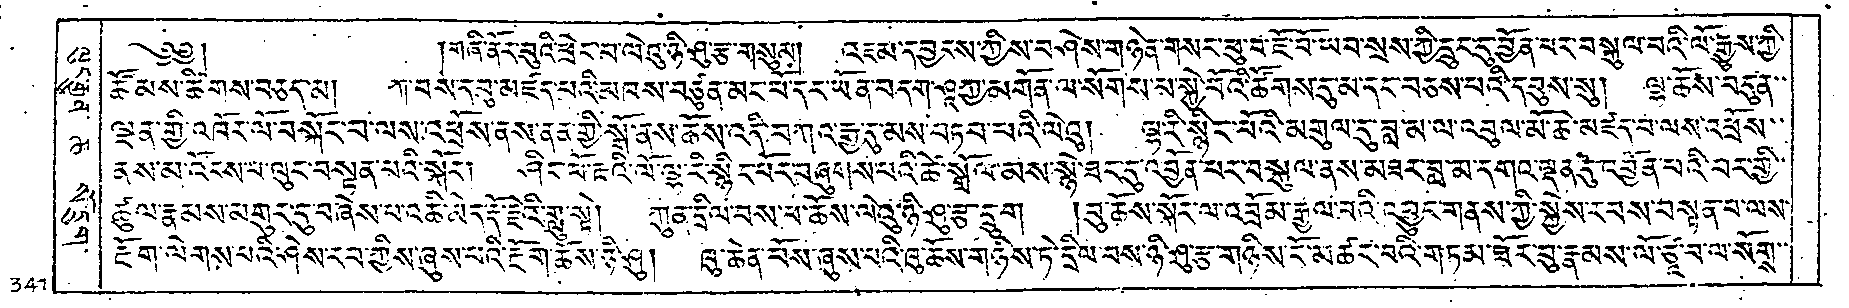༄༅། །གཞི་ནོར་བུའི་ཕྲེང་བ་ལེའུ་ཉི་ཤུ་རྩ་གསུམ། འཇམ་དབྱངས་ཀྱིས་བཤེས་གཉེན་གསང་ཕུ་བ་ཇོ་བོ་ཡབ་སྲས་ཀྱི་དྲུང་དུ་བྱོན་པར་བསྐུལ་བའི་ལོ་རྒྱུས་ཀྱི་
ཚོམས་ཚིགས་བཅད་མ། ཀ་བས་དབུ་མཛད་པའི་མཁས་བཙུན་མང་པོ་དང་ཡོན་བདག་ཤཱཀྱ་མགོན་ལ་སོགས་པ་སྐྱེ་བོའི་ཚོགས་དུ་མ་དང་བཅས་པའི་དབུས་སུ། ལྷ་ཆོས་བདུན་
ལྡན་གྱི་འཁོར་ལོ་བསྐོར་བ་ལས་འཕྲོས་ནས་ནན་གྱི་སྒོ་ནས་ཆོས་འདི་བཀའ་རྒྱ་དུ་མས་བཏབ་པའི་ལེའུ། ལྷ་རི་སྙིང་པོའི་མགུལ་དུ་བླ་མ་ལ་འབུལ་མོ་ཆེ་མཛད་པ་ལས་འཕྲོས་
ནས་མ་འོངས་པ་ལུང་བསྟན་པའི་སྐོར། ཤིང་ཕོ་རྟའི་ལོ་ལྷ་རི་སྙིང་པོར་བཞུགས་པའི་ཚེ་སྒྲོལ་མས་སྙེ་ཐང་དུ་འབྱོན་པར་བསྐུལ་ནས་མཐར་བླ་མ་དགའ་ལྡན་དུ་འབྱོན་པའི་བར་གྱི་
ཚུལ་རྣམས་མགུར་དུ་བཞེས་པ་འཆི་མེད་རྡོ་རྗེའི་གླུ་སྟེ། ཀུན་དྲིལ་བས་ཕ་ཆོས་ལེའུ་ཉི་ཤུ་རྩ་དྲུག །བུ་ཆོས་སྐོར་ལ་འབྲོམ་རྒྱལ་བའི་འབྱུང་གནས་ཀྱི་སྐྱེས་རབས་བསྟན་པ་ལས་
རྔོག་ལེགས་པའི་ཤེས་རབ་ཀྱིས་ཞུས་པའི་རྔོག་ཆོས་ཉི་ཤུ། ཁུ་ཆེན་པོས་ཞུས་པའི་ཁུ་ཆོས་གཉིས་ཏེ་དྲིལ་བས་ཉི་ཤུ་རྩ་གཉིས་ངོ་མཚར་བའི་གཏམ་ཐོར་བུ་རྣམས་ལོ་ཙཱ་བ་ལ་སོགས་